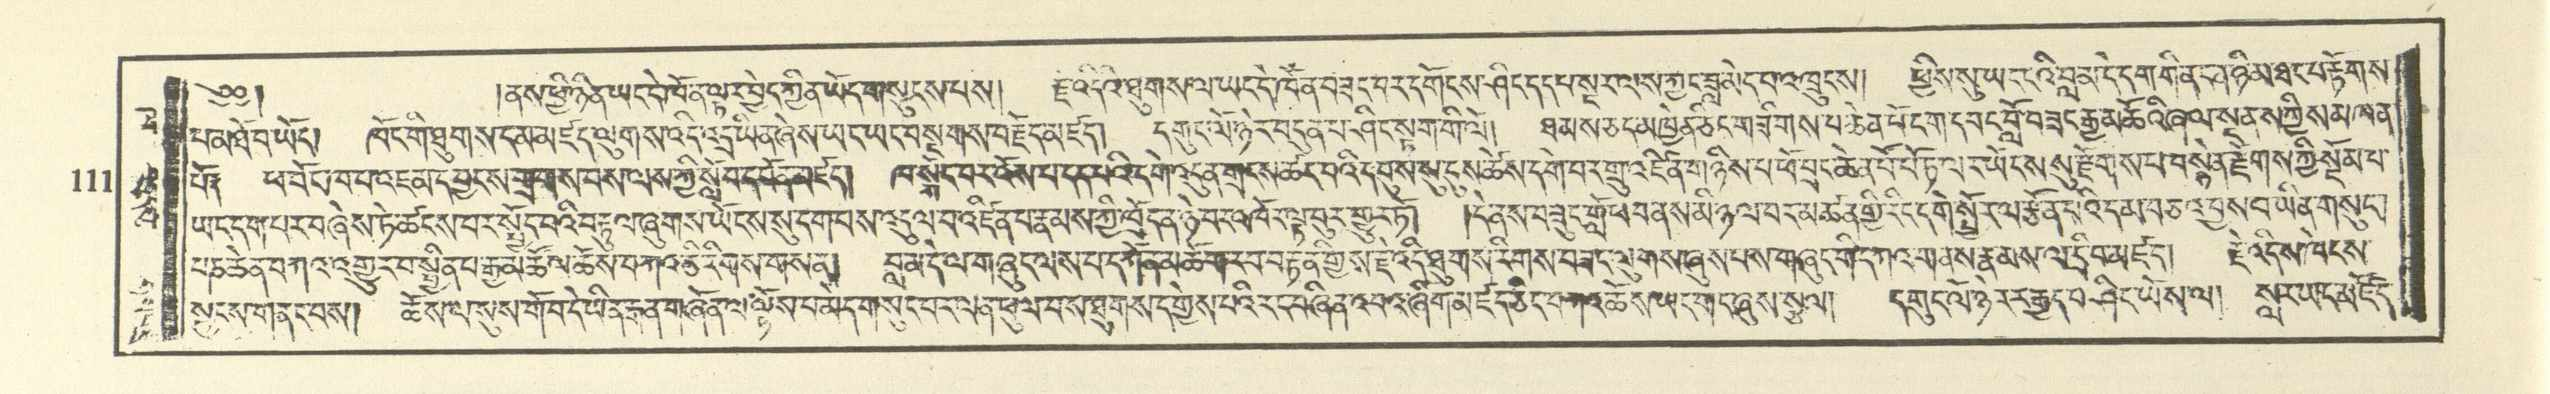༄༅། །ནས་ཕྱི་ཉིན་ཡང་དེ་ཁོ་ན་ལྟར་བྱེད་ཀྱིན་ཡོད་གསུངས་པས། རྗེ་འདིའི་ཐུགས་ལ་ཡང་དེ་ཁོན་བཟང་བར་དགོངས་ཤིང་དད་པ་སྔར་ལས་ཀྱང་ཟླ་མེད་པ་འཁྲུངས། ཕྱིས་སུ་ཡང་ངའི་བླ་མ་དེ་དག་གི་ནང་ན་ཉི་མ་ཐང་པ་རྟོགས་
པ་མཐོ་བ་ཡོད། ཁོང་གི་ཐུགས་དམ་མཛད་ལུགས་འདི་འདྲ་ཡིན་ཞེས་ཡང་ཡང་བསྔགས་བརྗོད་མཛད། དགུང་ལོ་ཉེར་བདུན་པ་ཤིང་སྟག་གི་ལོ། ཐམས་ཅད་མཁྱེན་ཅིང་གཟིགས་པ་ཆེན་པོ་ངག་དབང་བློ་བཟང་རྒྱ་མཚོའི་ཞལ་སྔ་ནས་ཀྱིས་མཁན་
པོ༑ ཕ་བོང་ཁ་པ་འཇམ་དབྱངས་གྲགས་པས་ལས་ཀྱི་སློབ་དཔོན་མཛད། ཁ་སྐོང་བར་འོས་པ་དད་པའི་དགེ་འདུན་གྲངས་ཚང་པའི་དབུས་སུ་དུས་ཚེས་དགེ་བར་གྲུ་འཛིན་གཉིས་པ་ཕོ་བྲང་ཆེན་པོ་ཏ་ལར་ཡོངས་སུ་རྫོགས་པ་བསྙེན་རྫོགས་ཀྱི་སྔོམ་པ་
ཡང་དག་པར་བཞེས་ཏེ་ཚངས་པར་སྤྱོད་པའི་བརྟུལ་ཞུགས་ཡོངས་སུ་དག་པས་འདུལ་བ་འཛིན་པ་རྣམས་ཀྱི་ཁྲོད་ན་ཉེ་བར་འཁོར་ལྟ་བུར་གྱུར་ཏོ། །དེ་ནས་བཟུང་གློ་ཕ་བ་ནས་མི་ཉལ་བར་མཚན་གྱི་རིང་དགེ་སྦྱོར་ལ་རྩོན་པའི་དམ་བཅའ་བྱས་པ་ཡིན་གསུང་།
པཎ་ཆེན་བཀའ་འགྱུར་བ་སྦྱིན་པ་རྒྱ་མཚོལ་ཆོས་བཀའ་ཅི་རིགས་གསན། བླ་མ་དེ་ལ་གཞུང་ལས་པ་དཀོན་མཆོག་རབ་བརྟན་གྱིས་རྗེ་འདི་ཐུགས་རིགས་བཟང་ལུགས་ཞུས་པས་གཞུང་གི་དཀའ་གནས་རྣམས་ལ་དྲི་བ་མཛད། རྗེ་འདིས་ཁེངས་
སྐྱུང་ས་གནང་བས། ཆོས་ལ་སུས་གོ་བདེ་ཡིན་རྒན་གཞོན་ལ་ལྟོས་པ་མེད་གསུང་བར་ལན་ཕུལ་བས་ཐུགས་དགྱེས་པའི་རང་བཞིན་འབའ་ཞིག་མཛད་ཅིང་བགའ་ཆོས་ཡང་གང་ཞུས་སྩལ། དགུང་ལོ་ཉེར་བརྒྱད་པ་ཤིང་ཡོས་ལ། སླར་ཡང་མཛོད་